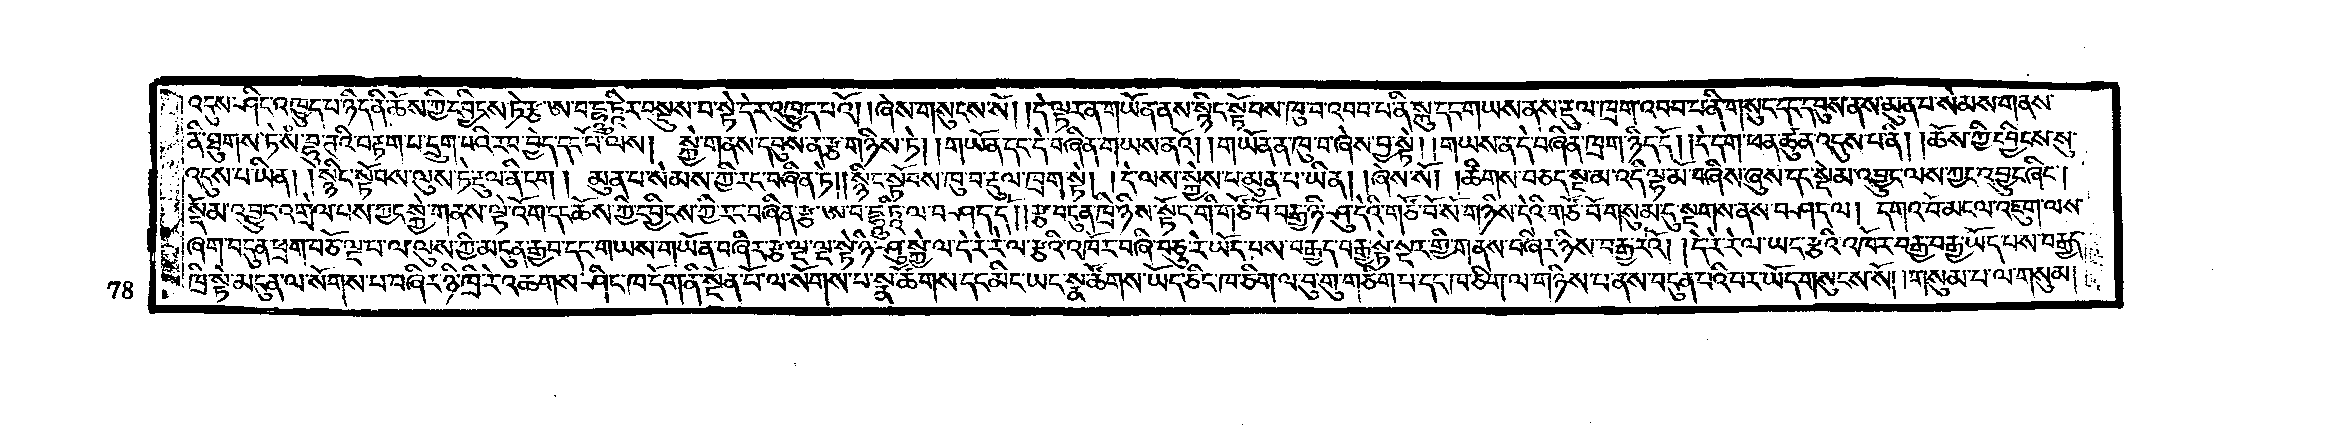འདུས་ཤིང་འཁྱུད་པ་ཉིད་ནི་ཆོས་ཀྱི་དབྱིངས་ཏེ་རྩ་ཨ་བ་དྷཱུ་ཏཱིར་བསྡུས་པ་སྟེ་དེར་འཁྱུད་པའོ། །ཞེས་གསུངས་སོ། །དེ་ལྟར་ན་གཡོན་ནས་སྙིང་སྟོབས་ཁུ་བ་འབབ་པ་ནི་སྐུ་དང་གཡས་ནས་རྡུལ་ཁྲག་འབབ་པ་ནི་གསུང་དང་དབུས་ནས་མུན་པ་སེམས་གནས་པ་
ནི་ཐུགས་ཏེ་སཾ་བྷུ་ཊའི་བརྟག་པ་དྲུག་པའི་རབ་བྱེད་དང་པོ་ལས། སྐྱེ་གནས་དབུས་ན་རྩ་གཉིས་ཏེ། །གཡོན་དང་དེ་བཞིན་གཡས་ནའོ། །གཡོན་ན་ཁུ་བ་ཞེས་བྱ་སྟེ། །གཡས་ན་དེ་བཞིན་ཁྲག་ཉིད་དོ། །དེ་དག་ཕན་ཚུན་འདུས་པ་ནི། །ཆོས་ཀྱི་དབྱིངས་སུ་
འདུས་པ་ཡིན། །སྙིང་སྟོབས་ལུས་ཏེ་རྡུལ་ནི་ངག །མུན་པ་སེམས་ཀྱི་རང་བཞིན་ཏེ། །སྙིང་སྟོབས་ཁུ་བ་རྡུལ་ཁྲག་སྟེ། །དེ་ལས་སྐྱེས་པ་མུན་པ་ཡིན། །ཞེས་སོ། །ཚིགས་བཅད་སྔ་མ་འདི་ལྷ་མོ་བཞིས་ཞུས་དང་སྡོམ་འབྱུང་ལས་ཀྱང་འབྱུང་ཞིང་།
སྡོམ་འབྱུང་འགྲེལ་པས་ཀྱང་སྐྱེ་གནས་ལྟེ་འོག་དང་ཆོས་ཀྱི་དབྱིངས་ཀྱི་རང་བཞིན་རྩ་ཨ་བ་དྷཱུ་ཏཱི་ལ་བཤད་དོ། །རྩ་བདུན་ཁྲི་ཉིས་སྟོང་གི་གཙོ་བོ་བརྒྱ་ཉི་ཤུ་དེའི་གཙོ་བོ་སོ་གཉིས་དེའི་གཙོ་བོ་གསུམ་དུ་སྔགས་ནས་བཤད་ལ། དགའ་བོ་མངལ་འཇུག་ལས་
ཞག་བདུན་ཕྲག་བཅོ་ལྔ་པ་ལ་ལུས་ཀྱི་མདུན་རྒྱབ་དང་གཡས་གཡོན་བཞིར་རྩ་ལྔ་ལྔ་སྟེ་ཉི་ཤུ་སྐྱེ་ལ་དེ་རེ་རེ་ལ་རྩའི་འཁོར་བཞི་བཅུ་རེ་ཡོད་པས་བརྒྱད་བརྒྱ་སྟེ་སྔར་གྱི་གནས་བཞིར་ཉིས་བརྒྱ་རེའོ། །དེ་རེ་རེ་ལ་ཡང་རྩའི་འཁོར་བརྒྱ་བརྒྱ་ཡོད་པས་བརྒྱད་
ཁྲི་སྟེ་མདུན་ལ་སོགས་པ་བཞིར་ཉི་ཁྲི་རེ་འཆགས་ཤིང་ཁ་དོག་ནི་སྔོན་པོ་ལ་སོགས་པ་སྣ་ཚོགས་དང་མིང་ཡང་སྣ་ཚོགས་ཡོད་ཅིང་ཁ་ཅིག་ལ་བུ་གུ་གཅིག་པ་དང་ཁ་ཅིག་ལ་གཉིས་པ་ནས་བདུན་པའི་བར་ཡོད་གསུངས་སོ། །གསུམ་པ་ལ་གསུམ།